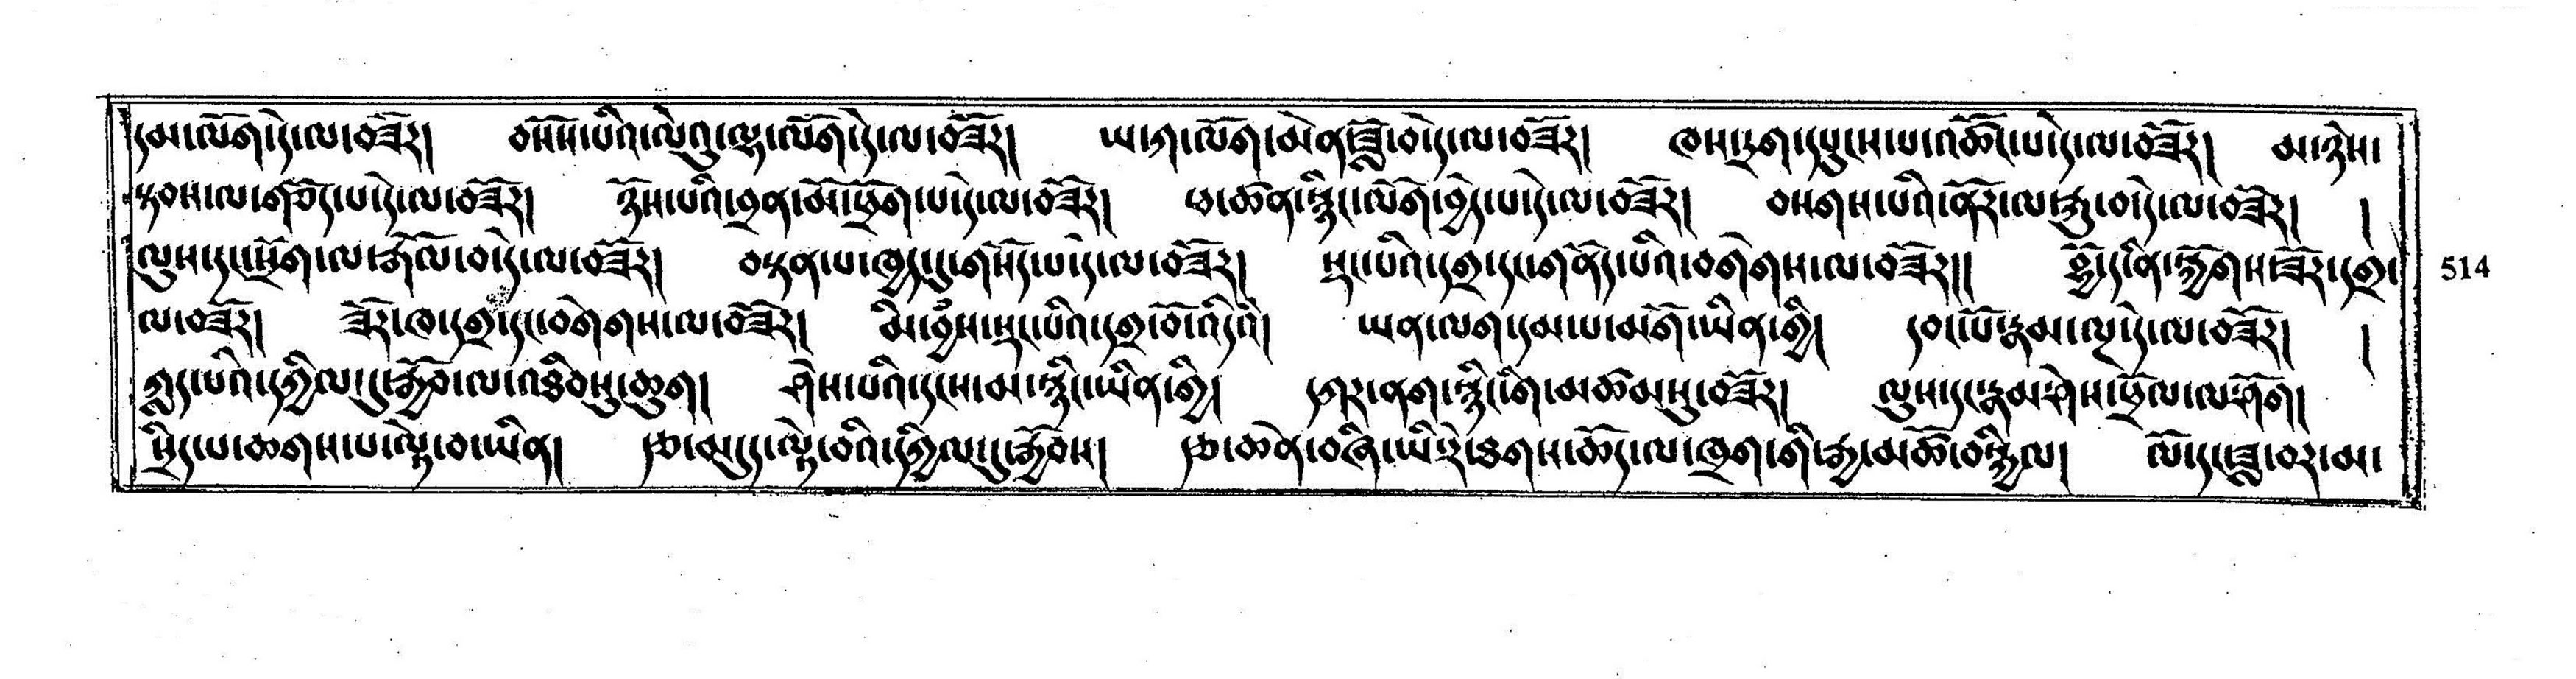དམ་ལོག་དེ་ལ་བཟོར། བསོས་པའི་ལེའུ་ལྷ་ལོག་དེ་ལ་བཟོར། ཡ་ཀ་ལོག་མེན་ཟློ་བ་དེ་ལ་བཟོར། ཁས་དྲག་དཔུངས་པ་འཚོང་པ་དེ་ལ་བཟོར། མ་ཉེས་
སྟབས་ལ་གཅོད་པ་དེ་ལ་བཟོར། ཉོས་པའི་བྲན་མོ་ཕྲོག་པ་དེ་ལ་བཟོར། ཕ་ཚན་སྙིང་{529}ལོག་བྱེད་པ་དེ་ལ་བཟོར། བསགས་པའི་ནོར་ལ་རྐུ་བ་དེ་ལ་བཟོར། 
ལུས་དང་སྲོག་ལ་རྒོལ་བ་དེ་ལ་བཟོར། བསྟན་པ་ཁྱད་དུ་གསོད་པ་དེ་ལ་བཟོར། སྡང་པའི་དགྲ་དང་གནོད་པའི་བགེགས་ལ་བཟོར།། བྷྱོ་ད་ནི་སྐྱོགས་ཟོར་དགྲ་
ལ་བཟོར། ཟོར་ཁ་དགྲ་དང་བགེགས་ལ་བཟོར། མི་བྱམས་སྡང་པའི་དགྲ་བོ་འདིའི། ཡན་ལག་དམ་པ་མགོ་ཡིན་གྱི། དབང་པོ་རྣམ་ལྔ་དེ་ལ་བཟོར། 
ཀླད་པའི་དཀྱིལ་དུ་རྒྱོབ་ལ་འཐིབས་སུ་ཆུག ཤེས་པའི་དངས་མ་སྙིང་ཡིན་གྱི། དཀར་ནག་སྙིང་གི་མཚམས་སུ་བཟོར། ལུས་དང་རྣམ་ཤེས་ཕྲོལ་ལ་ཤོག།
སྲིད་པ་ཆགས་པ་ལྟེ་བ་ཡིན། རྩ་མདུད་ལྟེ་བའི་དཀྱིལ་དུ་རྒྱོབས། རྩ་ཆེན་བཞི་ཡི་རེ་ཐགས་ཆོད་ལ་ཁྲག་གི་རྒྱ་མཚོ་བསྐྱིལ། ལོ་དང་ཟླ་བར་མ་